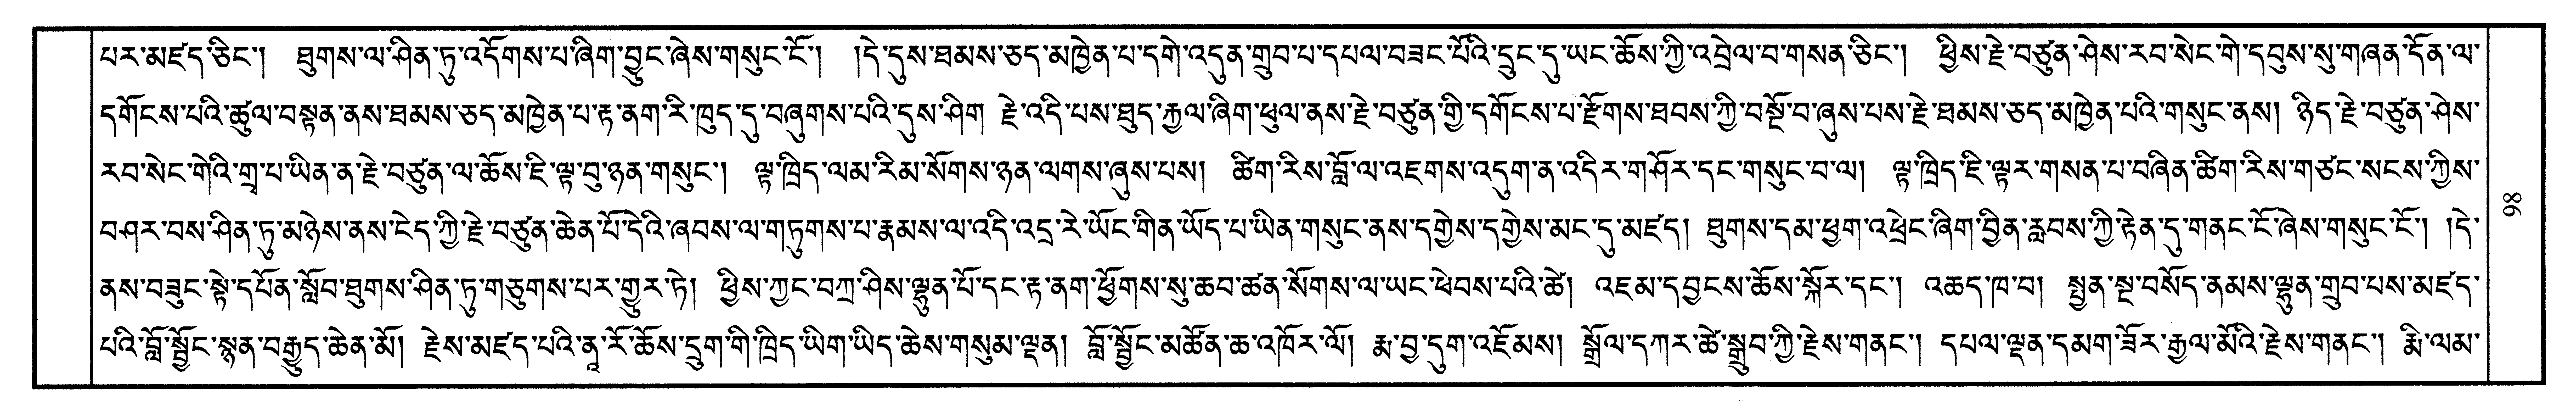པར་མཛད་ཅིང་། ཐུགས་ལ་ཤིན་ཏུ་འདོགས་པ་ཞིག་བྱུང་ཞེས་གསུང་ངོ། །དེ་དུས་ཐམས་ཅད་མཁྱེན་པ་དགེ་འདུན་གྲུབ་པ་དཔལ་བཟང་པོའི་དྲུང་དུ་ཡང་ཆོས་ཀྱི་འབྲེལ་བ་གསན་ཅིང་། ཕྱིས་རྗེ་བཙུན་ཤེས་རབ་སེང་གེ་དབུས་སུ་གཞན་དོན་ལ་
དགོངས་པའི་ཚུལ་བསྟན་ནས་ཐམས་ཅད་མཁྱེན་པ་རྟ་ནག་རི་ཁུད་དུ་བཞུགས་པའི་དུས་ཤིག། རྗེ་འདི་པས་ཐུད་རྐྱལ་ཞིག་ཕུལ་ནས་རྗེ་བཙུན་གྱི་དགོངས་པ་རྫོགས་ཐབས་ཀྱི་བསྔོ་བ་ཞུས་པས་རྗེ་ཐམས་ཅད་མཁྱེན་པའི་གསུང་ནས། ཉིད་རྗེ་བཙུན་ཤེས་
རབ་སེང་གེའི་གྲྭ་པ་ཡིན་ན་རྗེ་བཙུན་ལ་ཆོས་ཇི་ལྟ་བུ་ཉན་གསུང་། ལྟ་ཁྲིད་ལམ་རིམ་སོགས་ཉན་ལགས་ཞུས་པས། ཚིག་རིས་བློ་ལ་འཇགས་འདུག་ན་འདིར་གཤོར་དང་གསུང་བ་ལ། ལྟ་ཁྲིད་ཇི་ལྟར་གསན་པ་བཞིན་ཚིག་རིས་གཙང་སངས་ཀྱིས་
བཤར་བས་ཤིན་ཏུ་མཉེས་ནས་ངེད་ཀྱི་རྗེ་བཙུན་ཆེན་པོ་དེའི་ཞབས་ལ་གཏུགས་པ་རྣམས་ལ་འདི་འདྲ་རེ་ཡོང་གིན་ཡོད་པ་ཡིན་གསུང་ནས་དགྱེས་དགྱེས་མང་དུ་མཛད། ཐུགས་དམ་ཕྱག་འཕྲེང་ཞིག་བྱིན་རླབས་ཀྱི་རྟེན་དུ་གནང་ངོ་ཞེས་གསུང་ངོ། །དེ་
ནས་བཟུང་སྟེ་དཔོན་སློབ་ཐུགས་ཤིན་ཏུ་གཅུགས་པར་གྱུར་ཏེ། ཕྱིས་ཀྱང་བཀྲ་ཤིས་ལྷུན་པོ་དང་རྟ་ནག་ཕྱོགས་སུ་ཆབ་ཚན་སོགས་ལ་ཡང་ཕེབས་པའི་ཚེ། འཇམ་དབྱངས་ཆོས་སྐོར་དང་། འཆད་ཁ་བ། སྤྱན་སྔ་བསོད་ནམས་ལྷུན་གྲུབ་པས་མཛད་
པའི་བློ་སྦྱོང་སྙན་བརྒྱུད་ཆེན་མོ། རྗེས་མཛད་པའི་ནཱ་རོ་ཆོས་དྲུག་གི་ཁྲིད་ཡིག་ཡིད་ཆེས་གསུམ་ལྡན། བློ་སྦྱོང་མཚོན་ཆ་འཁོར་ལོ། རྨ་བྱ་དུག་འཇོམས། སྒྲོལ་དཀར་ཚེ་སྒྲུབ་ཀྱི་རྗེས་གནང་། དཔལ་ལྡན་དམག་ཟོར་རྒྱལ་མོའི་རྗེས་གནང་། རྨི་ལམ་